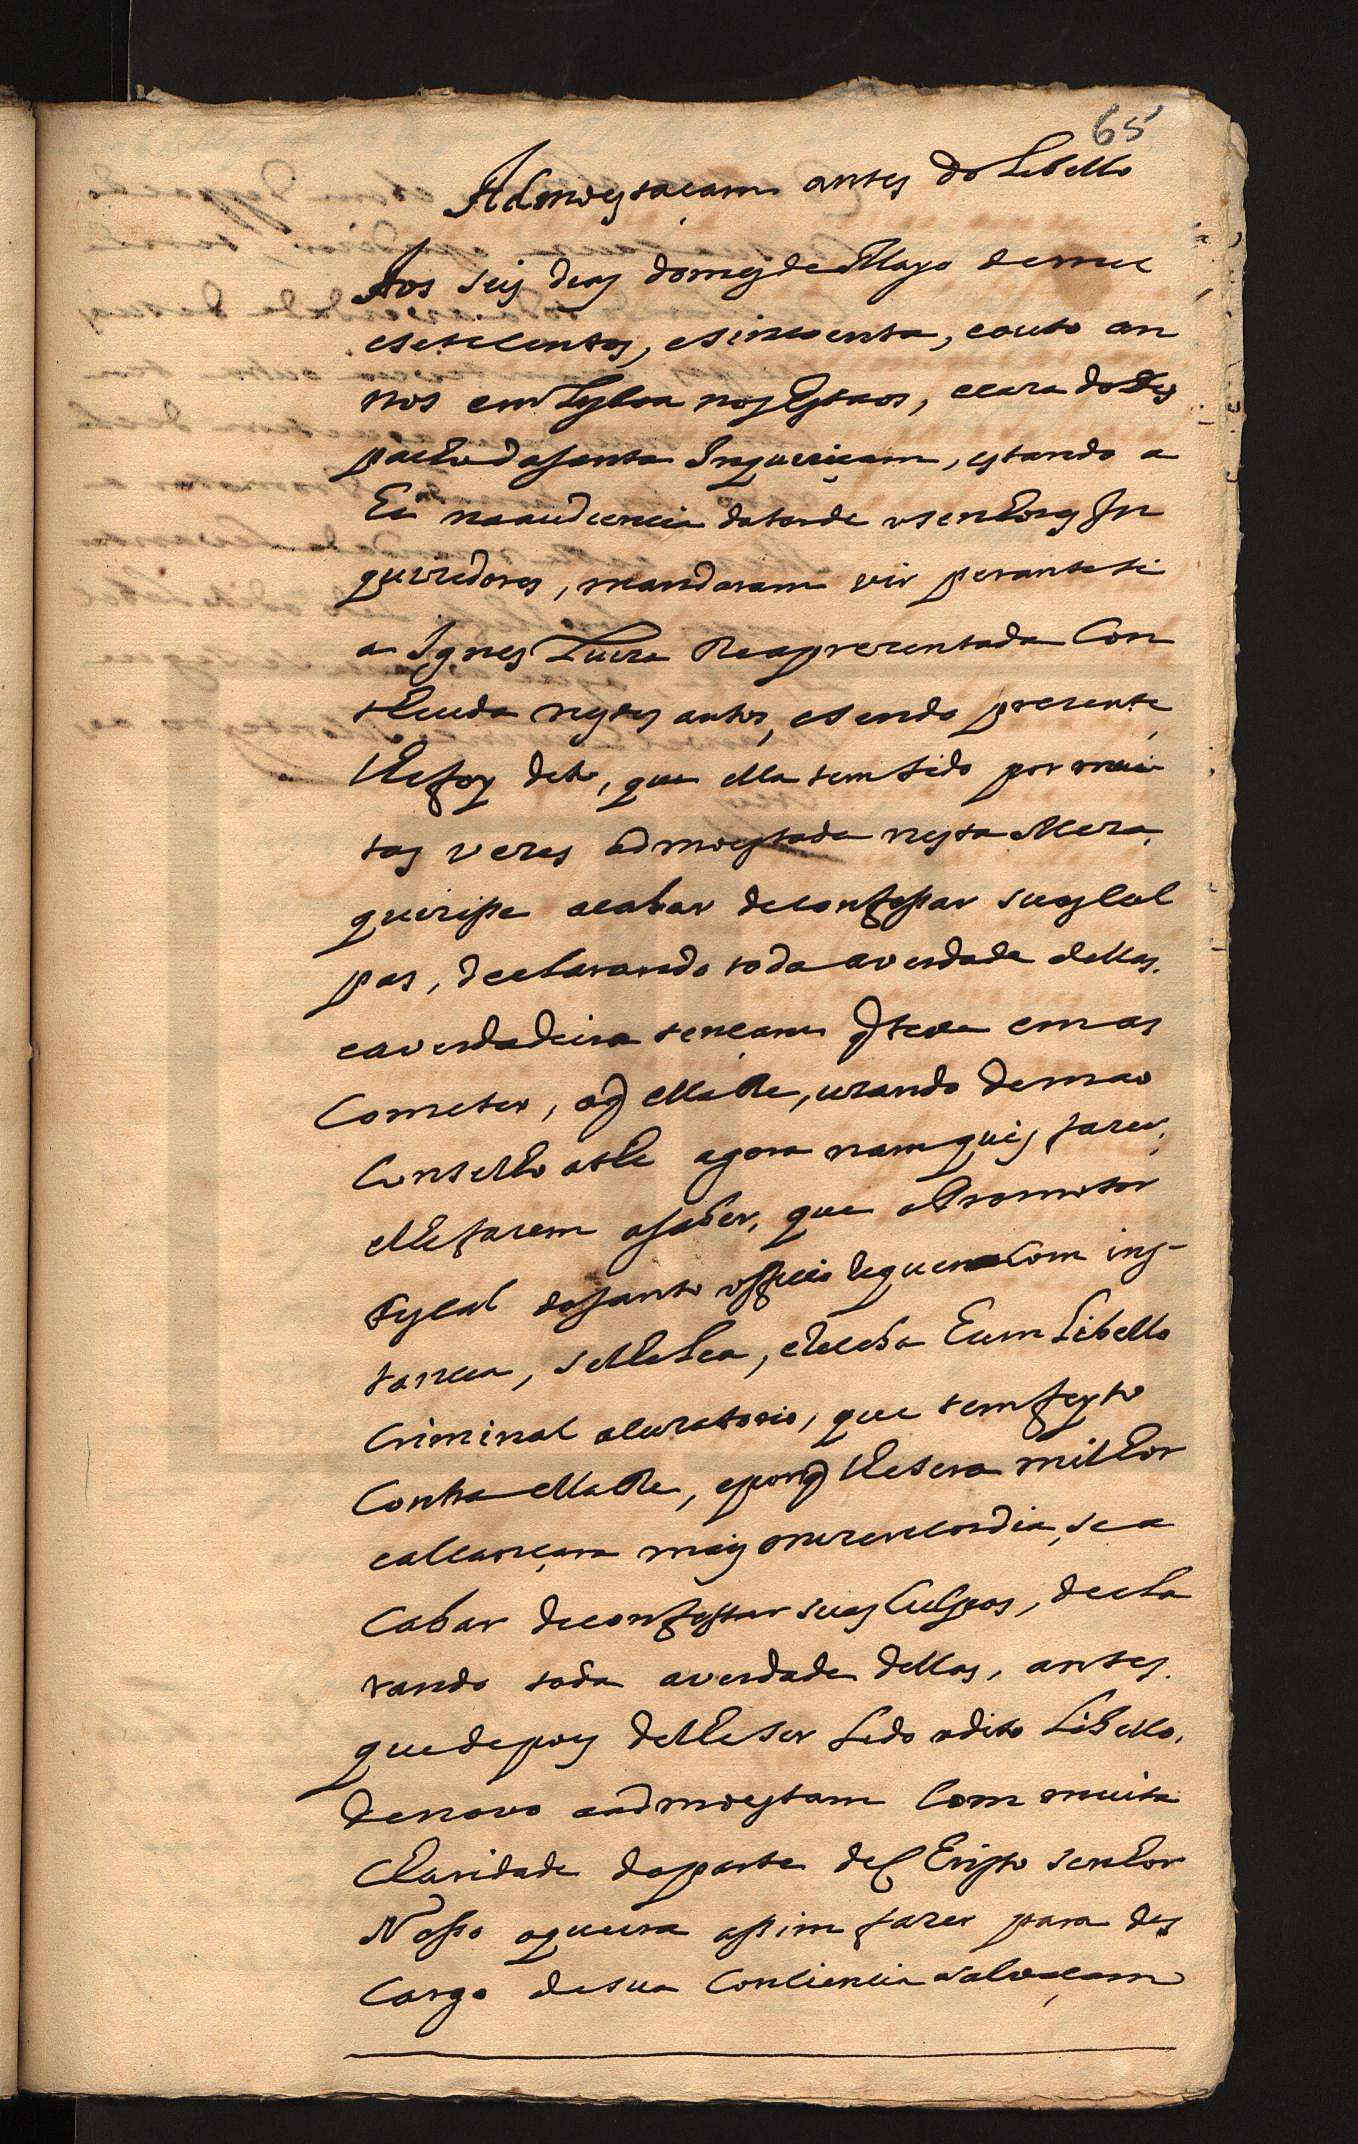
Admoestaçam antes do Libello
Aos seis dias do mes de Mayo de mil
e setecentos, e sincoenta, e outo an
nos em Lisboa nos Estaos, e caza do Des
pacho da santa Inquiziçam, estando a
hi na audiencia da tarde o senhores Jn
quizidores, mandaram vir perante si
a Ignes Luiza, Re aprezentada con
theuda nestes autos, e sendo prezente
lhe foy dito, que ella tem sido por mui
tas vezes admoestada nesta Meza,
quizisse acabar de confessar suas cul
pas, declarando toda a verdade dellas,
e a verdadeira tençam q̄ teve em as
Cometer, o q̄ ella Re, uzando de mao
Conselho athe agora nam quis fazer;
e lhe fazem a saber, que o Promotor
Fiscal do santo officio Requer com ins
tancia, se lhe Lea, e Receba hum Libello
criminal acuzatorio, que tem feyto
Contra ella Re, e porq̄ lhe sera milhor
e alcançara mais mizericordia, se a
cabar de confessar suas Culpas, decla
rando toda a verdade dellas, antes
que depois de lhe ser Lido o dito Libello,
de novo a admoestam com muita
charidade da parte de Christo senhor
Nosso o queira assim fazer para des
Cargo de sua conciencia salvaçam
